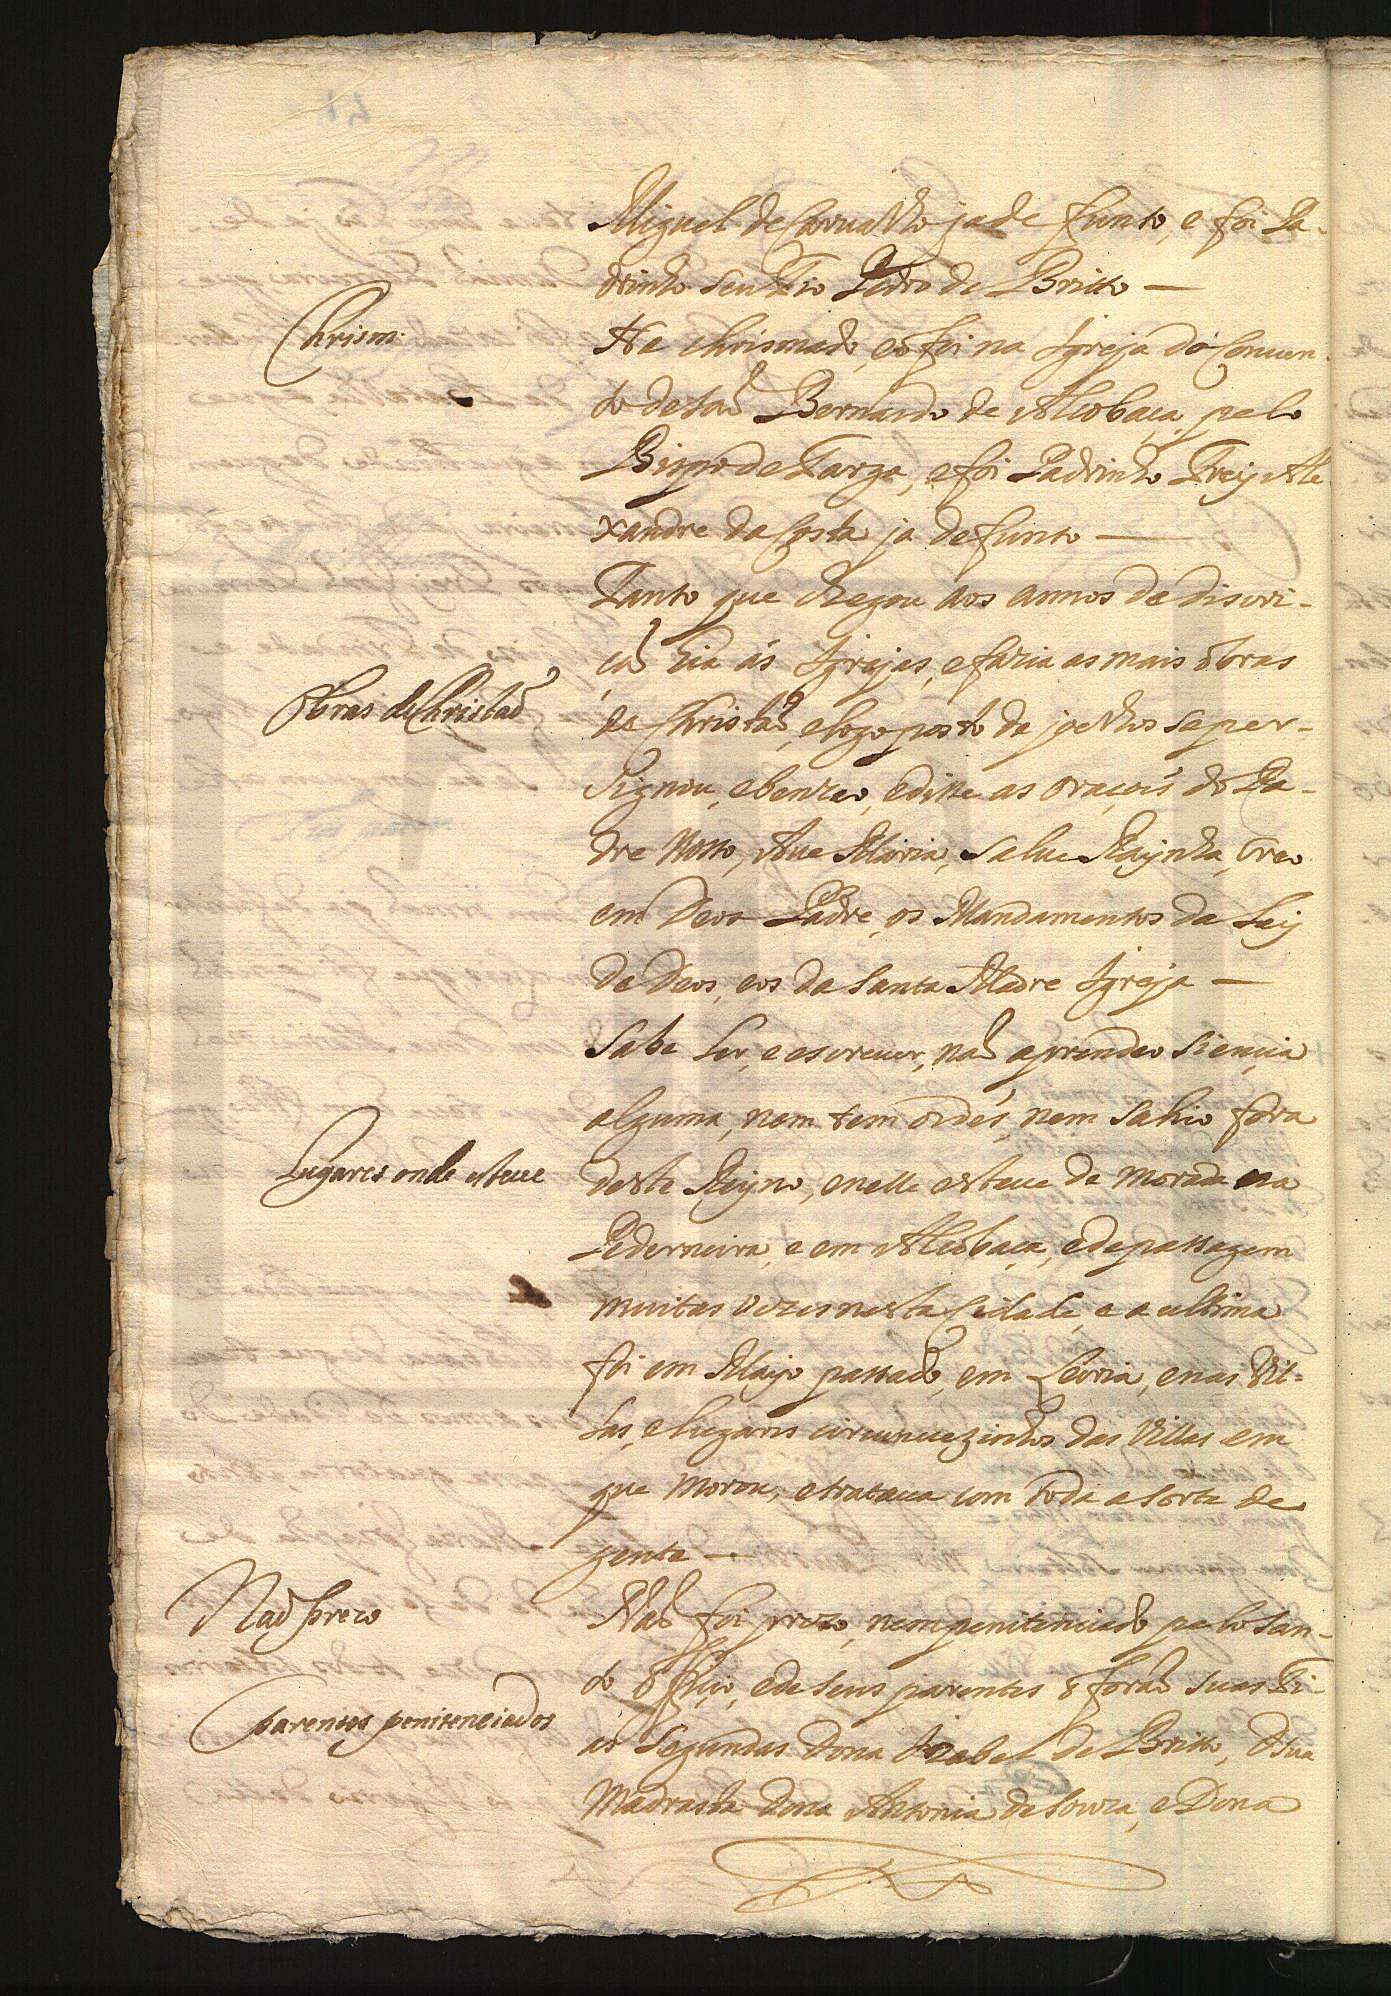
Miguel de Carualho ja defunto, e foi Pa
drinho seu Tio Pedro de Britto
Chrism.
He chrismado, e o foi na Igreja do Conuen
to de saõ Bernardo de Alcobaça, pelo
Bispo de Targa, e foi Padrinho Frey Ale
xandre da Costa ja defunto
Tanto que chegou aos annos da discri
çaõ hia ás Igrejas, e fazia as mais obras
Obras de Christaõ
de Christaõ, e logo posto de joelhos se per
signou, e benzeo, e disse as oraçoĩs do Pa
dre nosso, Aue Maria, salue Raynha, creo
em Deos Padre, os Mandamentos da Ley
de Deos, e os da Santa Madre Igreja
sabe ler, e escreuer, naõ aprendeo siencia
alguma, nem tem ordēs, nem sahio fora
Lugares onde esteue
deste Reyno, e nelle esteue de morada na
Pederneira, e em Alcobaça, e de passagem
muitas vezes nesta Cidade, e a ultima
foi em Mayo passado, em Leiria, e nas Vil
las, e lugares circunuezinhos das Villas em
que morou, e trataua com toda a sorte de
gente
Naõ prezo
Naõ foi prezo, nem penitenciado pelo san
to officio, e de seus parentes e foraõ suas Ti
Parentes penitenciados
as segundas Dona Izabel de Britto, & sua
madrasta Dona Antonia de souza, e Dona
